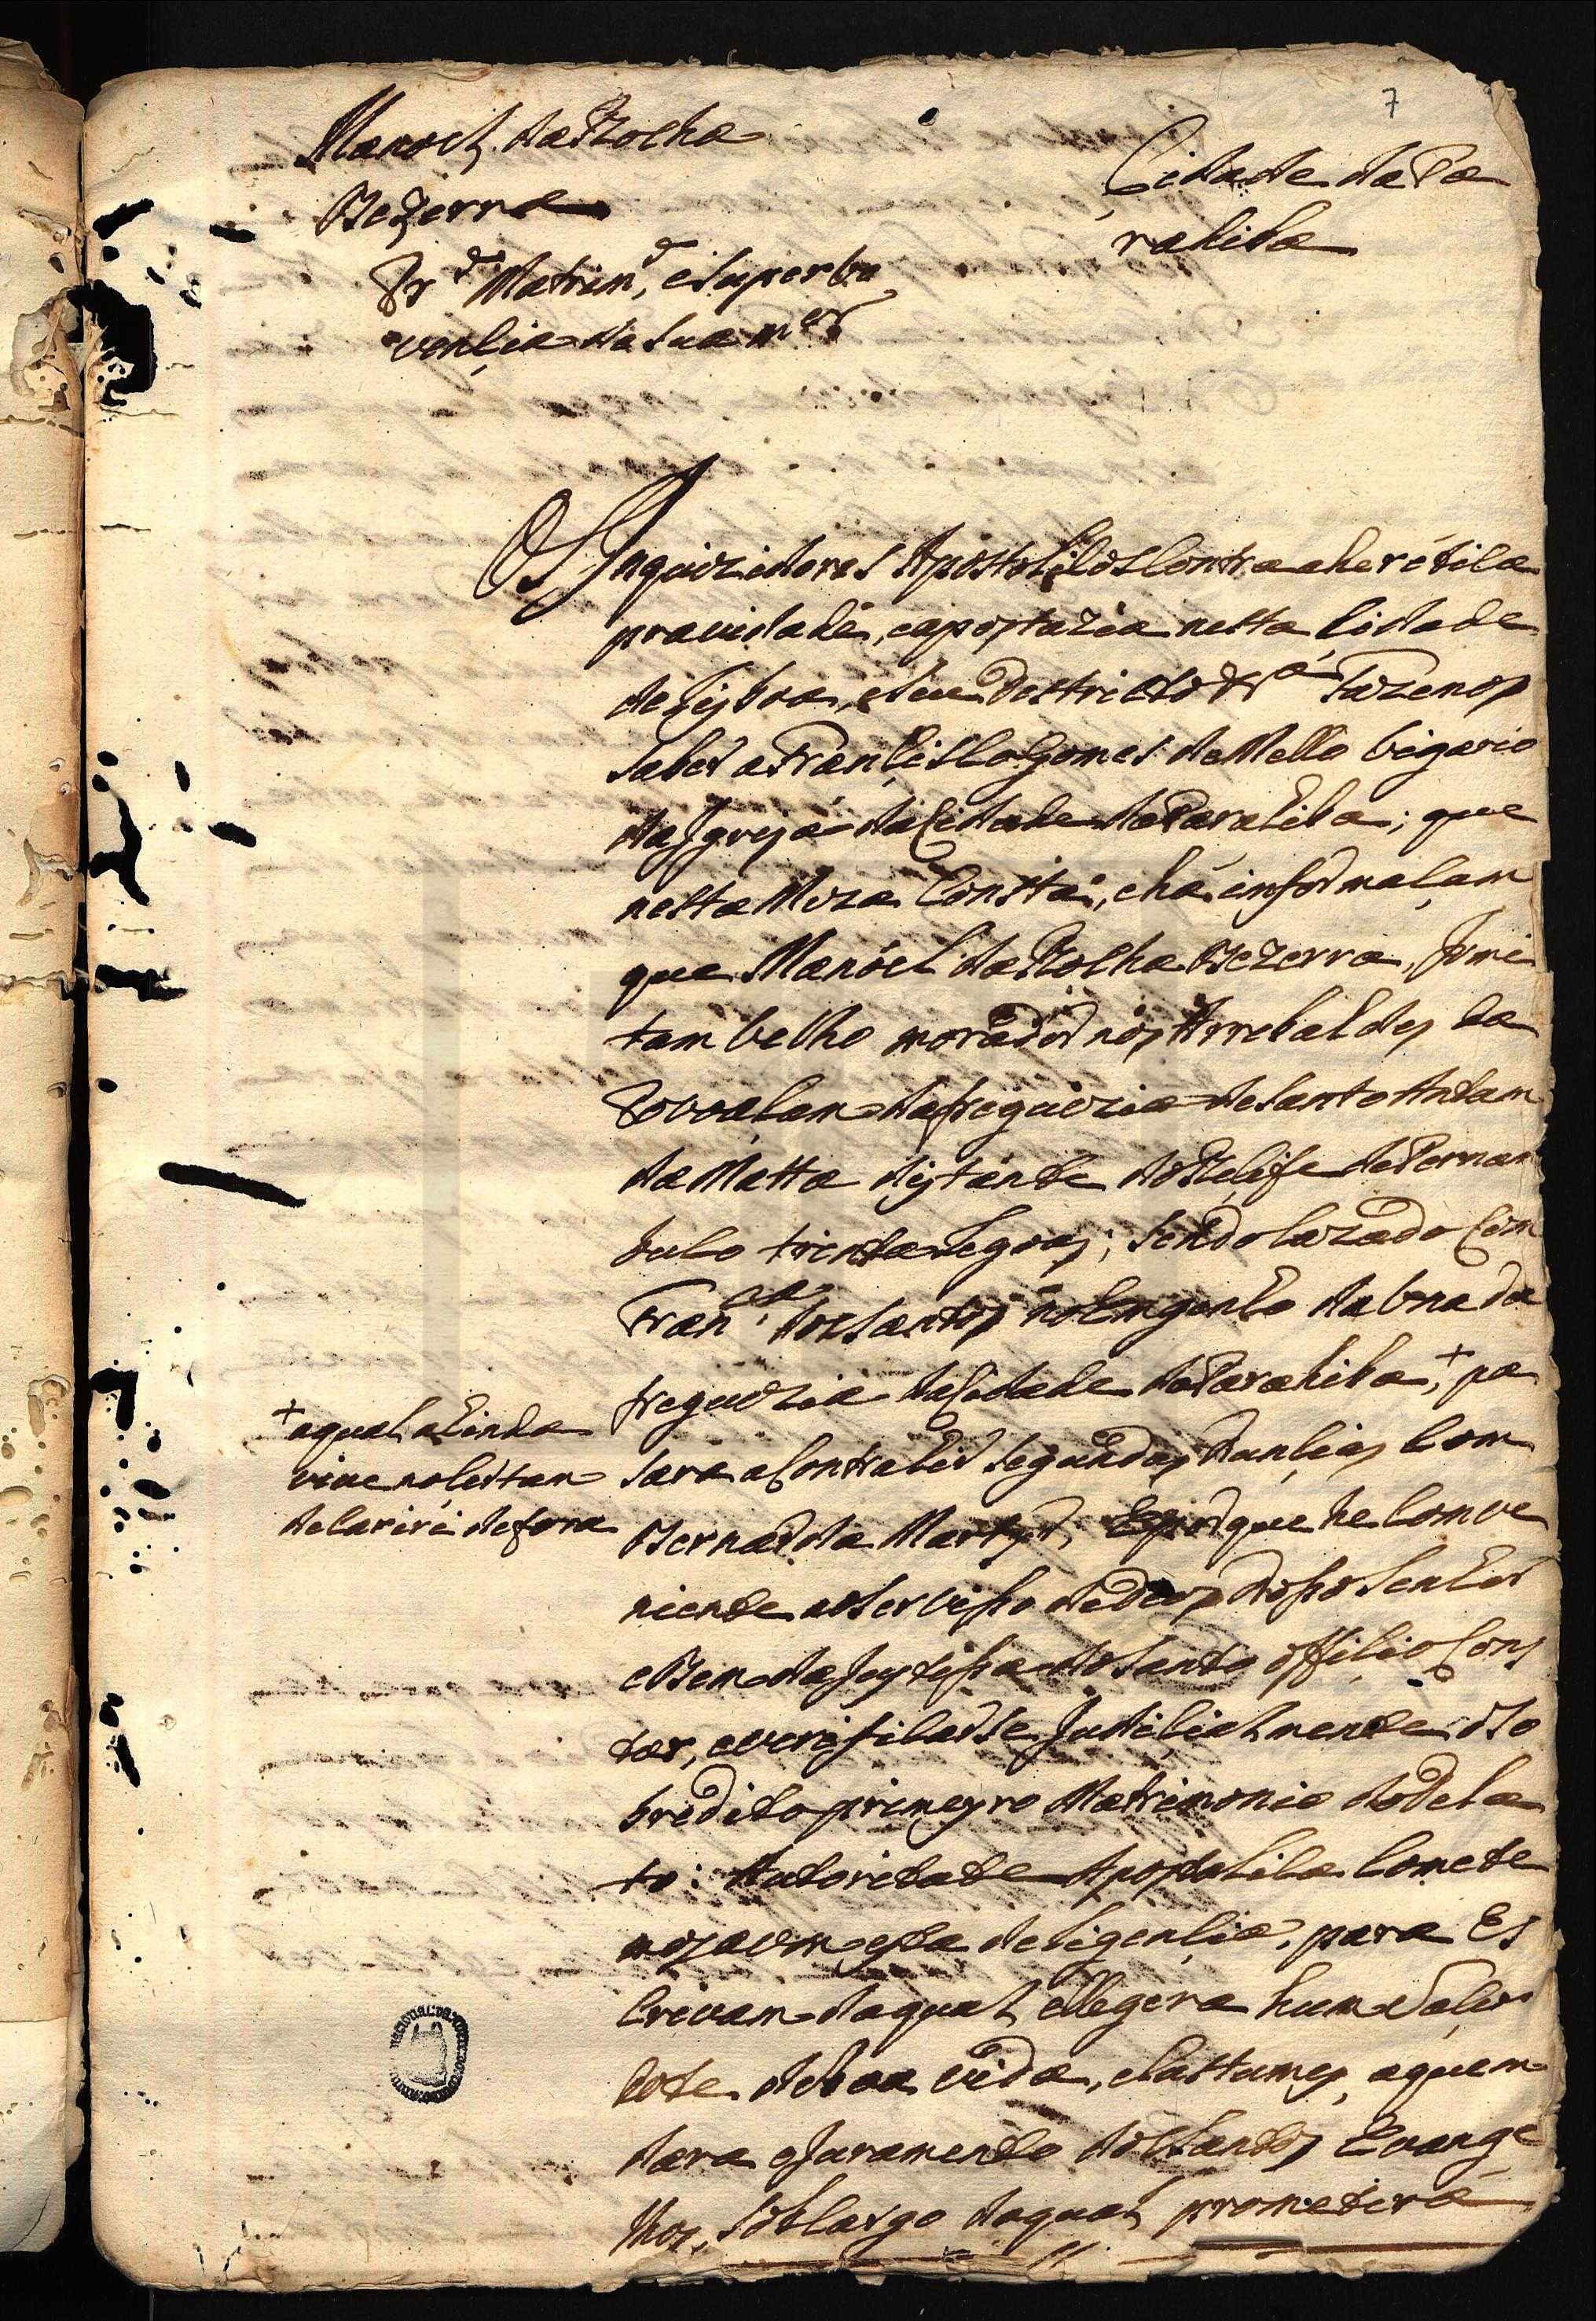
ManoeL da Rocha
Cidade da Pa
Bezerra
rahiba
Pro Matrimo, e Superve
venÇia da sua mer
Os Jnquizidores ApostoLicoz Contra a herétiCa
pravidade e apostazia nesta Çidade
de Lisboa, e seu destricto &ra Fazemos
saber a FranÇisCo Gomes de Mello Vigario
da Jgreja da Cidade da Parahiba; que
nesta Meza Consta, e há informaÇam
que Manóel da Rocha Bezerra Jrmi
tam velho morador nos Arrebaldes da
PouoaÇam da freguezia de Santo Antam
da Matta distante do ReÇife de Pernan
buCo trinta Legoas; sendo Cazado Com
França Aos Santos no Emgenho da vna da
freguezia da Cidade da Parahiba,+ pa
+aqual ahinda
sara a Contrahir segundas nunÇias com
viue no Çertam
de Carire de fora
Bernarda Martyr, E por que he Comve
niente ao servisso de Deos nosso senhor
e bem da Justissa do santo offiÇio Cons
tar, e verifiCarse JudiÇialmente o so
bredito premeyro Matrimonio do Dela
to Autoritate ApostoLiCa Comete
moz a vm esta deligenÇia, para es
crevam da qual ellegera hum Saçer
dote de boa vida, custumes, a quem
dara o Juramento dos santos Evange
lhos, sobCargo do qual prometerá
